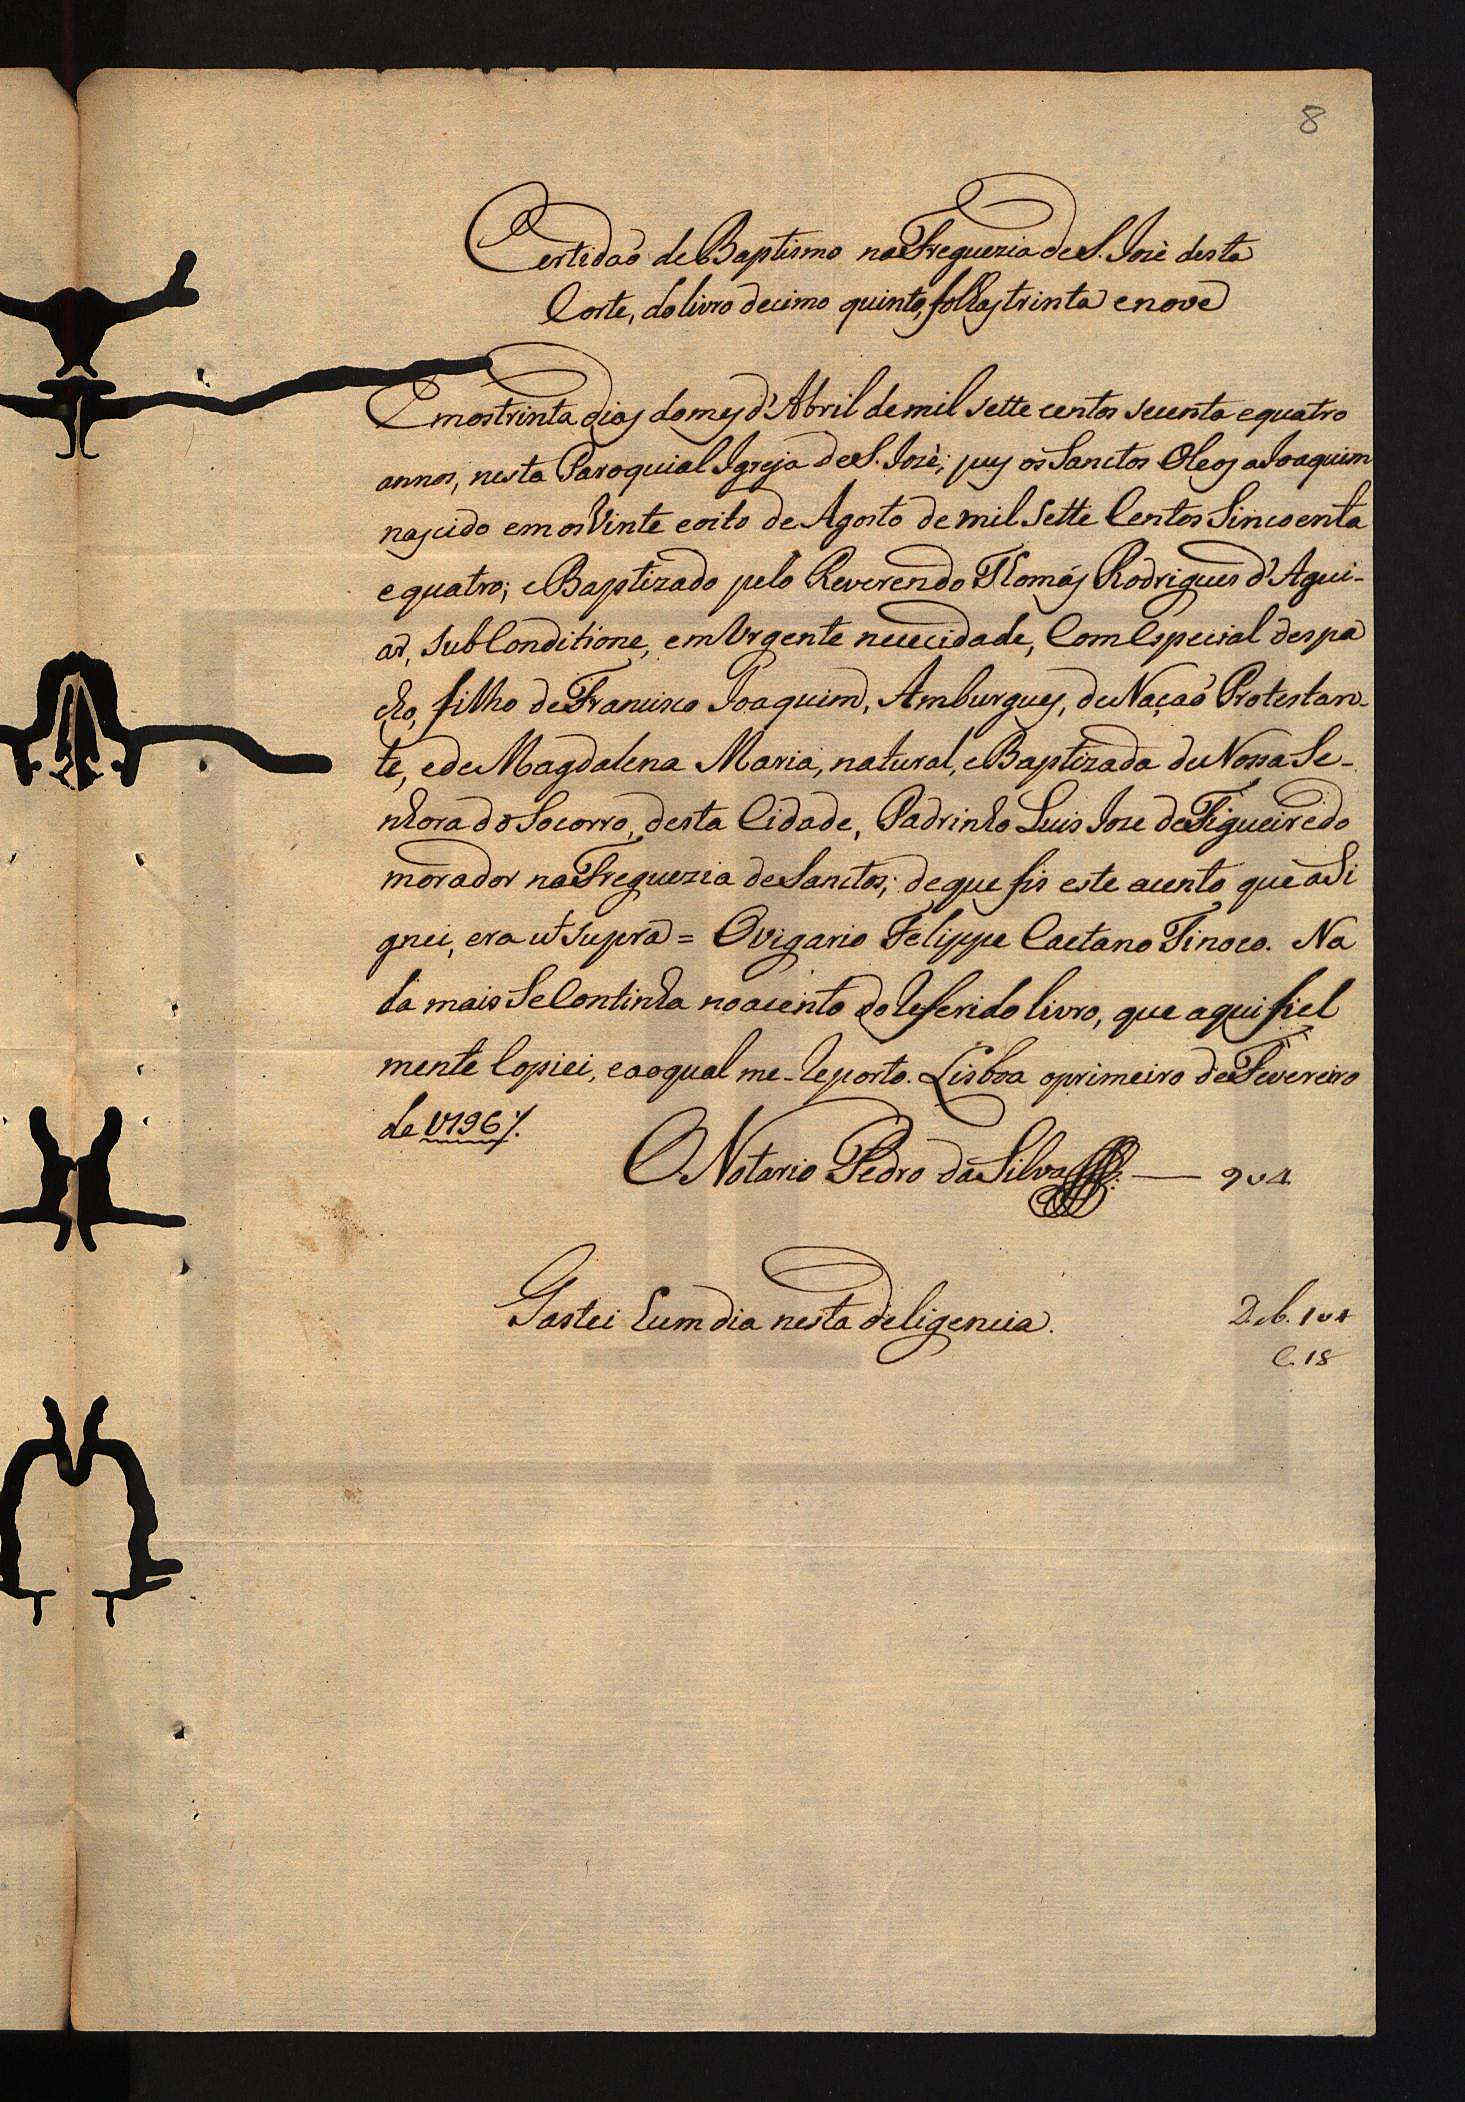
Certidaõ de Baptismo na Freguezia de S. Iozè desta
Corte, do livro decimo quinto, folhas trinta e nove
Em os trinta dias do mes d'Abril de mil settecentos secenta e quatro
annos, nesta Paroquial Igreja de S. Iozè; pus os Sanctos Oleos a Ioaquim
nascido em os Vinte e oito de Agosto de mil setteCentos Sincoenta
e quatro; e Baptizado pelo Reverendo Thomás Rodrigues d'Agui
ar, sub Conditione, em Vrgente nececidade, Com especial despa
cho, filho de Francisco Ioaquim, Amburgues, de Naçaõ Protestan
te, e de Magdalena Maria, natural, e Baptizada de Nossa Se
nhora do Socorro, desta Cidade, Padrinho Luis Ioze de Figueiredo
morador na Freguezia de Sanctos; de que fis este acento que aSi
gnei, era ut supra = O vigario Felippe Caetano Tinoco. Na
da mais Se Continha no acento do Referido livro, que aqui fiel
mente Copiei, e ao qual me Reporto Lisboa o primeiro de Fevereiro
de 1796./.
O Notario Pedro da Silva – 904
Gastei hum dia nesta deligencia. Deb. 104
c. 18
